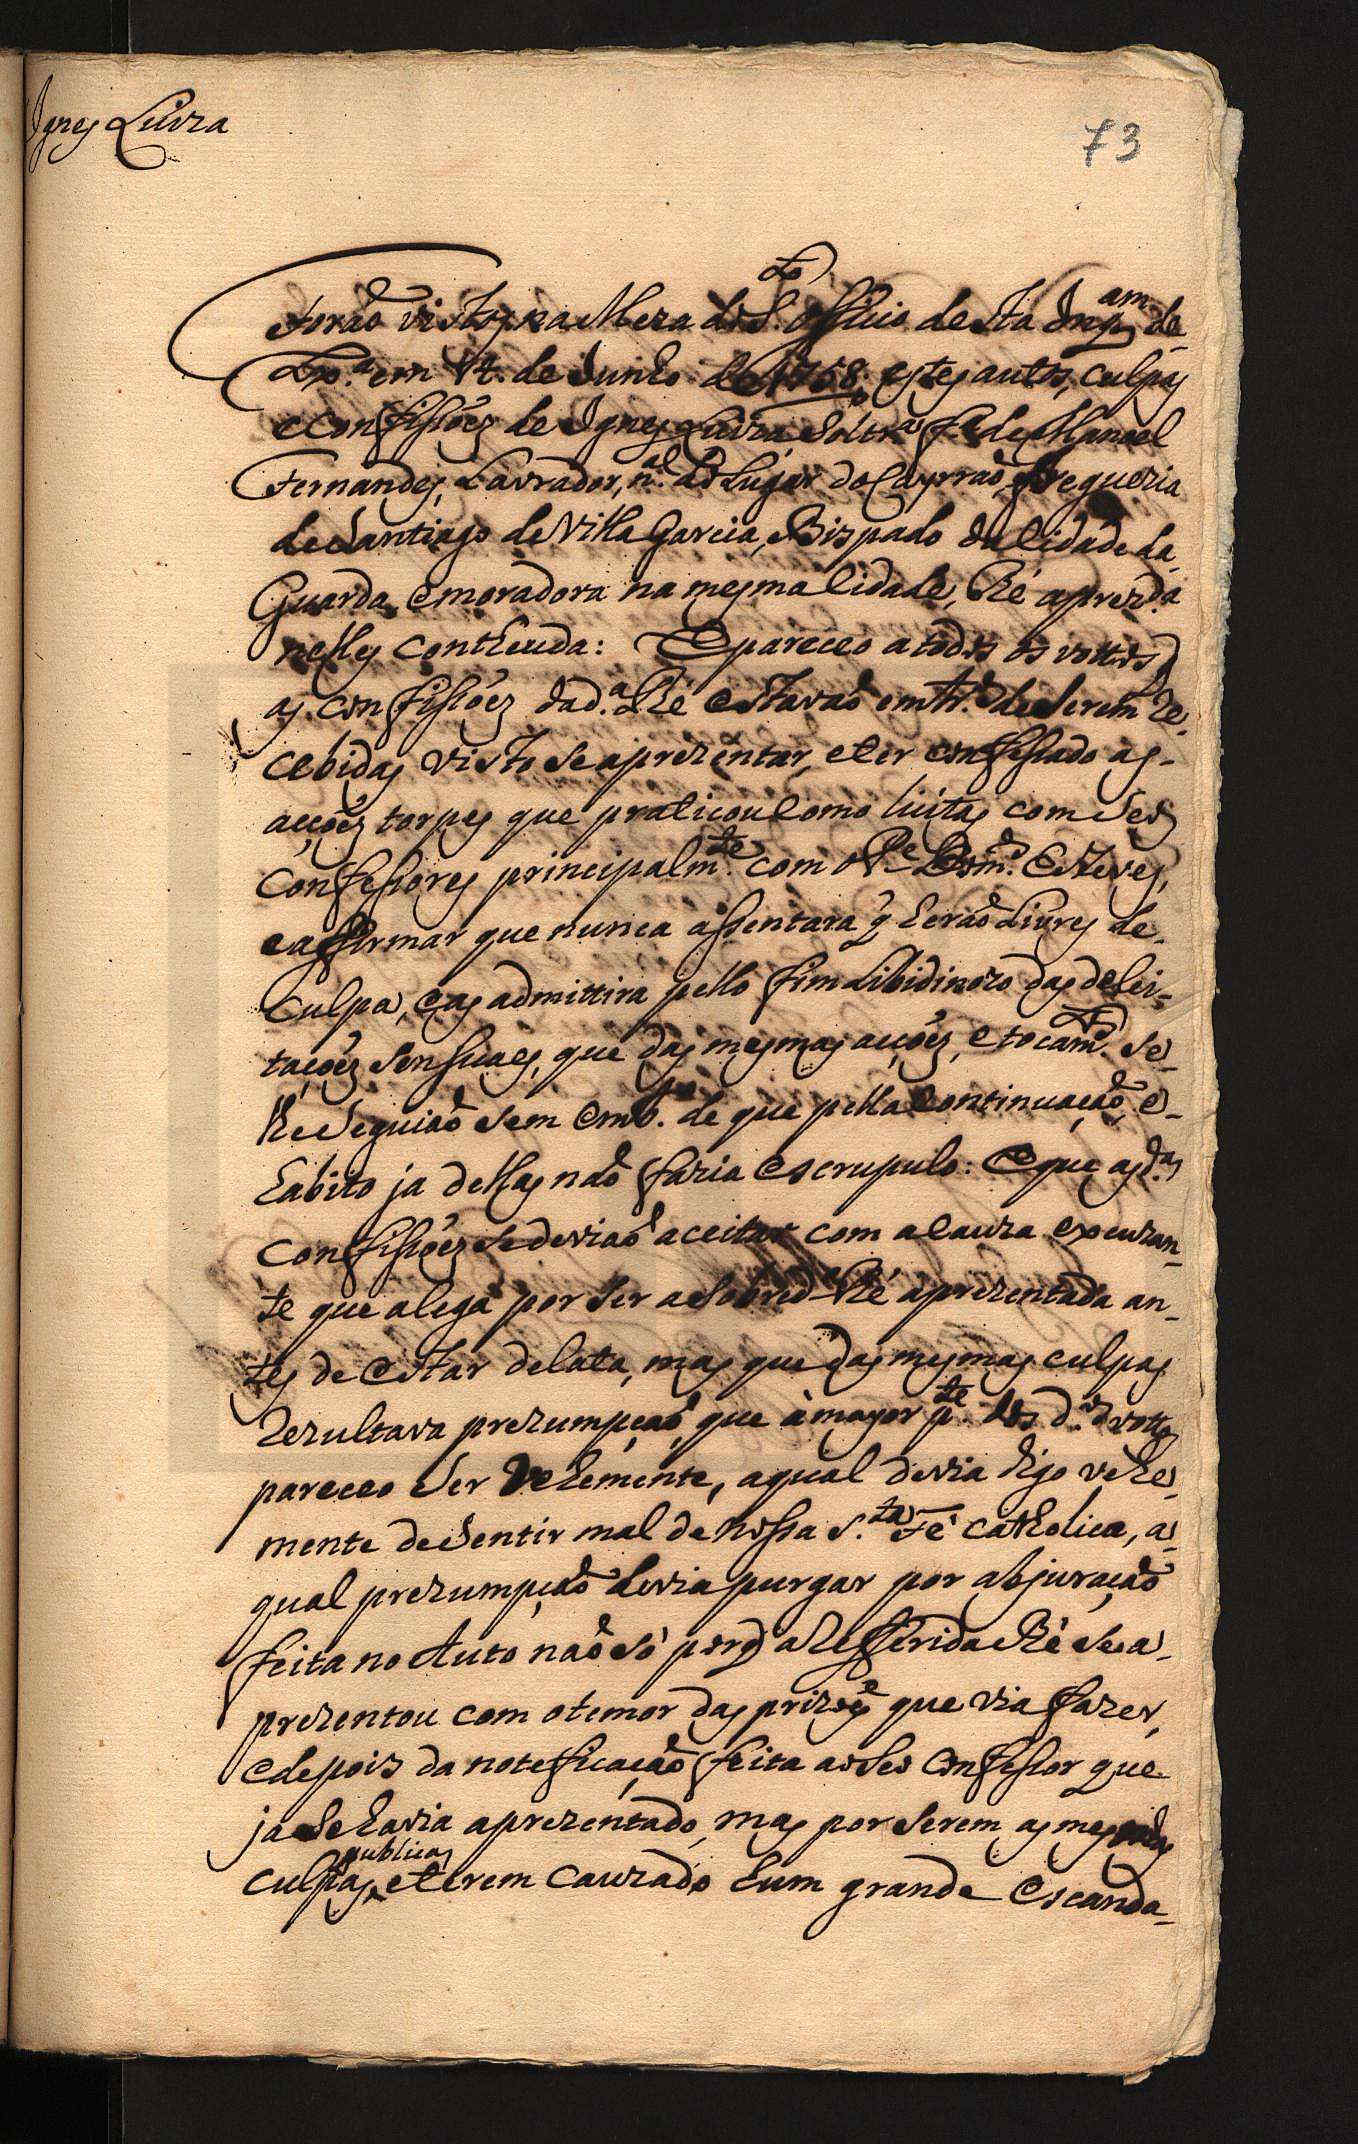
Jgnes Luiza
Foraõ vistos na Meza do S.to officio desta Inq.am de
Lx.a em 14. de Iunho de 1758: estes autos, culpas
e confissõez de Ignes Luiza, Soltra f.a de Manoel
Fernandes, Lavrador n.al do Lugar do Cayrraõ, freguezia
de Santiago de Villa Garcia, Bispado da Cidade da
Guarda, e moradora na mesma Cidade, Ré aprez.da
nelles contheuda: E pareceo a todos os vottos q̄
as confissõez da d.a Ré estavaõ em tr.o de serem Re
cebidas visto se aprezentar, e ter confessado as
acçõez torpes que praticou como licitas com seos
confessores principalm.te com o P.e Dom.es Esteves,
e affirmar que nunca assentara q̄ heraõ Livres de
Culpa, e as admittira pello fim Libidinozo das delei
taçoẽz sensuaes, que das mesmas acçoẽz, e tocam.tos se
lhe seguiaõ sem emb.o de que pella continuaçaõ, e
habito ja dellas naõ fazia escrupulo: E que as d.as
confissoẽz se deviaõ aceitar com a cauza excuzan
te que alega por ser a sobreda Ré aprezentada an
tes de estar delata, mas que das mesmas culpas
Rezultava prezumpçaõ, que à mayor p.te dos d.os vottos
pareceo Ser vehemente, a qual devia digo vehe
mente de Sentir mal de nossa s.ta Fé catholica, a
qual prezumpção devia purgar por abjuraçaõ
feita no Auto naõ só porq̄ a Refferida Ré se a
prezentou com o temor das prizoẽs que via fazer,
e depois da notificaçaõ feita ao Seo confessor que
ja Se havia aprezentado, mas por serem as mes
publicas
culpas, e terem cauzado hum grande escanda
